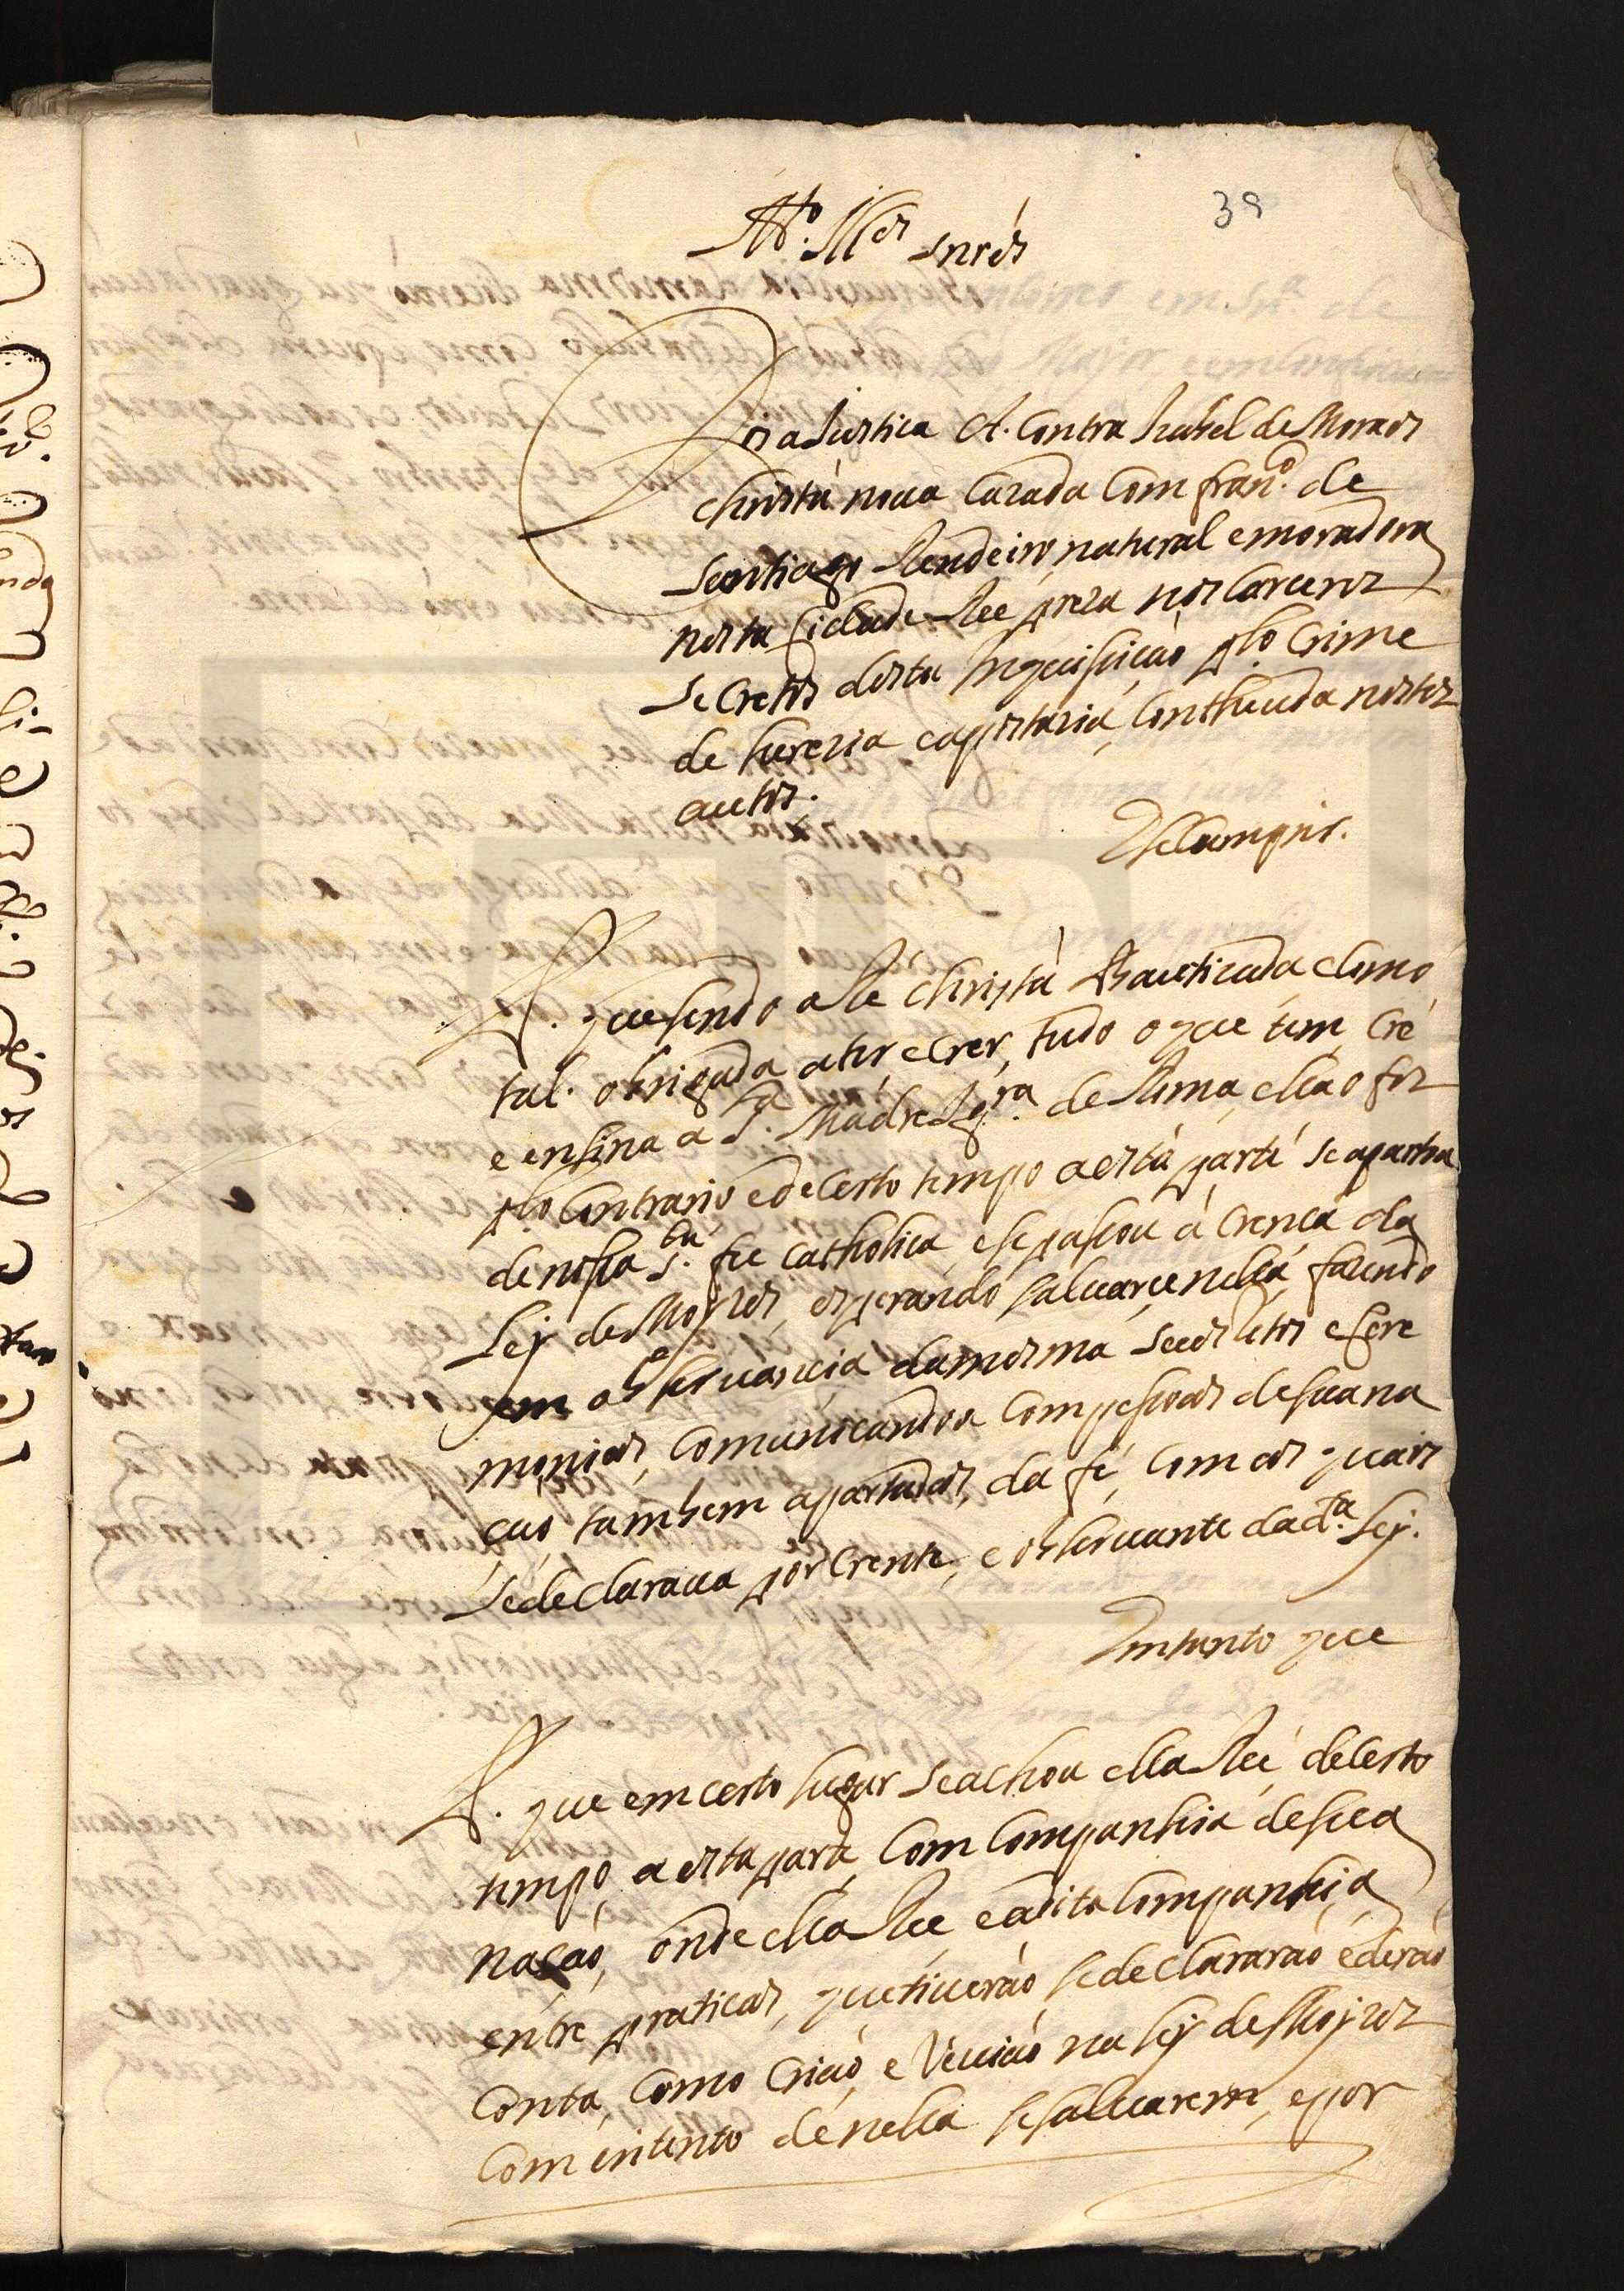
Mt.o Ill.es snres̄
Dis a Iustiça A. contra Izabel de Moraes
christā noua cazada com fran.co de
Santiago Rendeiro, natural e moradora
nesta Cidade Reé preza nos Carcerez
secretos desta Inquissição p.lo crime
de herezia e apostazia, contheuda nestes
autos;
E se Cumprir.
P. que sendo a Ré christā Bautizada e Como
tal obrigada a ter e crer, tudo o que tem cré
e ensina a s.ta Madre Ig.ra de Roma, ella o fez
p.lo Contrario, e de certo tempo a esta parte se apartou
de nossa sta fee catholica, e se passou a crença da
Ley de Moyzes, esperando saluarce nella, fazendo
em obseruancia da mesma seus Ritos, e Cere
monias, comunicandoa Com pessoas de sua na
çao, tambem apartadas, da fé, com as quais
se declaraua por crente, e obseruante da d̄.a Ley.
Emtanto que
P. que em certo lugar se achou ella Ree de certo
tempo, a esta parte Com Companhia de sua
naçaõ, onde ella Ree, e a dita Companhia,
entre praticas, que tiuerao se declararaõ e deraõ
conta, como criaõ, e Veuiaõ na ley de Moyzez
com intento de nella se saluarem, e por
